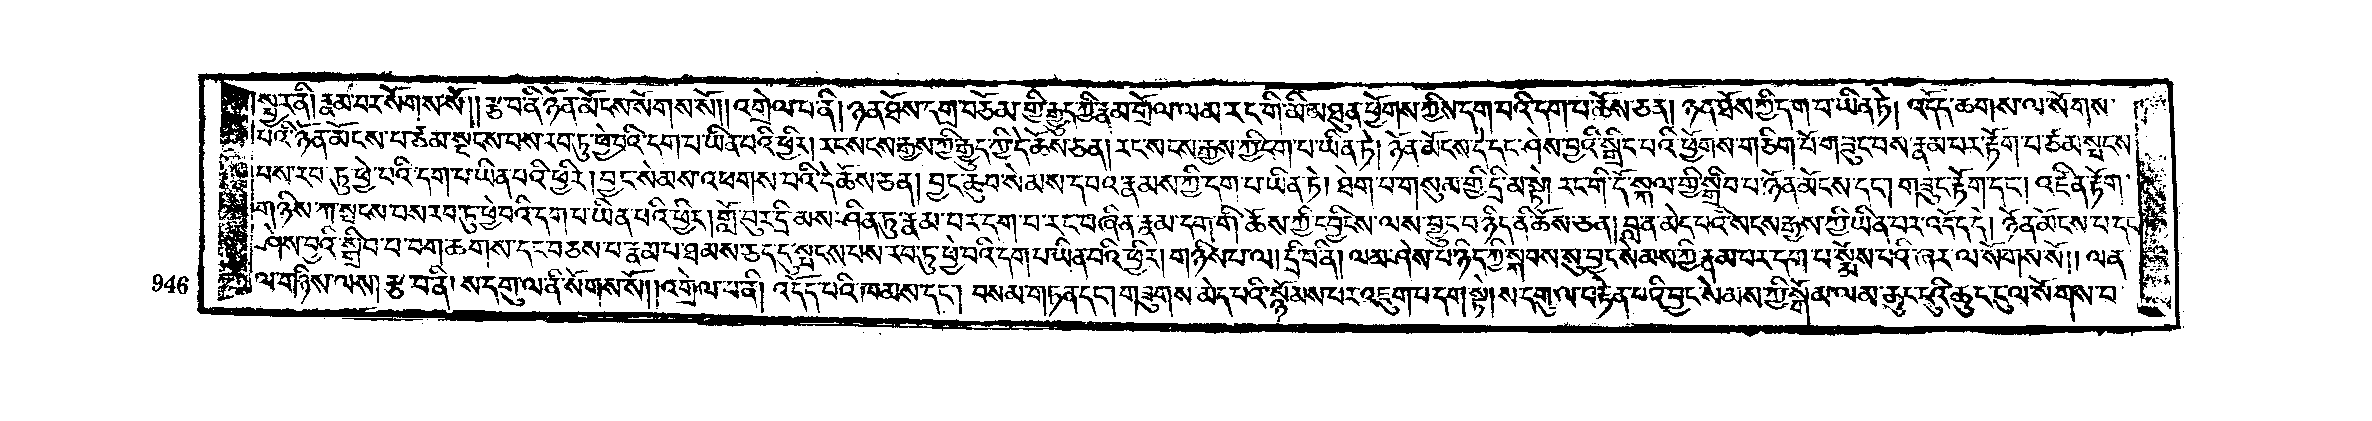སྦྱར་ནི། རྣམ་པར་སོགས་སོ། །རྩ་བ་ནི་ཉོན་མོངས་སོགས་སོ། །འགྲེལ་པ་ནི། ཉན་ཐོས་དགྲ་བཅོམ་གྱི་རྒྱུད་ཀྱི་རྣམ་གྲོལ་ལམ་རང་གི་མི་མཐུན་ཕྱོགས་ཀྱིས་དག་པའི་དག་པ་ཆོས་ཅན། ཉན་ཐོས་ཀྱི་དག་པ་ཡིན་ཏེ། འདོད་ཆགས་ལ་སོགས་
པའི་ཉོན་མོངས་པ་ཙམ་སྤངས་པས་རབ་ཏུ་ཕྱེ་བའི་དག་པ་ཡིན་པའི་ཕྱིར། རང་སངས་རྒྱས་ཀྱི་རྒྱུད་ཀྱི་དེ་ཆོས་ཅན། རང་སངས་རྒྱས་ཀྱི་དག་པ་ཡིན་ཏེ། ཉོན་མོངས་དེ་དང་ཤེས་བྱའི་སྒྲིབ་པའི་ཕྱོགས་གཅིག་པོ་གཟུང་བས་རྣམ་པར་རྟོག་པ་ཙམ་སྤངས་
པས་རབ་ཏུ་ཕྱེ་བའི་དག་པ་ཡིན་པའི་ཕྱིར། བྱང་སེམས་འཕགས་པའི་དེ་ཆོས་ཅན། བྱང་ཆུབ་སེམས་དཔའ་རྣམས་ཀྱི་དག་པ་ཡིན་ཏེ། ཐེག་པ་གསུམ་གྱི་དྲི་མ་སྟེ། རང་གི་ངོ་སྐལ་གྱི་སྒྲིབ་པ་ཉོན་མོངས་དང་། གཟུང་རྟོག་དང་། འཛིན་རྟོག་
གཉིས་ཀ་སྤངས་པས་རབ་ཏུ་ཕྱེ་བའི་དག་པ་ཡིན་པའི་ཕྱིར། གློ་བུར་དྲི་མས་ཤིན་ཏུ་རྣམ་པར་དག་པ་རང་བཞིན་རྣམ་དག་གི་ཆོས་ཀྱི་དབྱིངས་ལས་བྱུང་བ་ཉིད་ནི་ཆོས་ཅན། བླ་ན་མེད་པའི་སངས་རྒྱས་ཀྱི་ཡིན་པར་འདོད་དེ། ཉོན་མོངས་པ་དང་
ཤེས་བྱའི་སྒྲིབ་པ་བག་ཆགས་དང་བཅས་པ་རྣམ་པ་ཐམས་ཅད་དུ་སྤངས་པས་རབ་ཏུ་ཕྱེ་བའི་དག་པ་ཡིན་པའི་ཕྱིར། གཉིས་པ་ལ། དྲི་བ་ནི། ལམ་ཤེས་པ་ཉིད་ཀྱི་སྐབས་སུ་བྱང་སེམས་ཀྱི་རྣམ་པར་དག་པ་སྨོས་པའི་ཞར་ལ་སོགས་སོ། །ལན་
ལ་གཉིས་ལས། རྩ་བ་ནི། ས་དགུ་ལ་ནི་སོགས་སོ། །འགྲེལ་པ་ནི། འདོད་པའི་ཁམས་དང་། བསམ་གཏན་དང་། གཟུགས་མེད་པའི་སྙོམས་པར་འཇུག་པ་དག་སྟེ། ས་དགུ་ལ་བརྟེན་པའི་བྱང་སེམས་ཀྱི་སྒོམ་ལམ་ཆུང་ངུའི་ཆུང་ངུ་ལ་སོགས་པ་